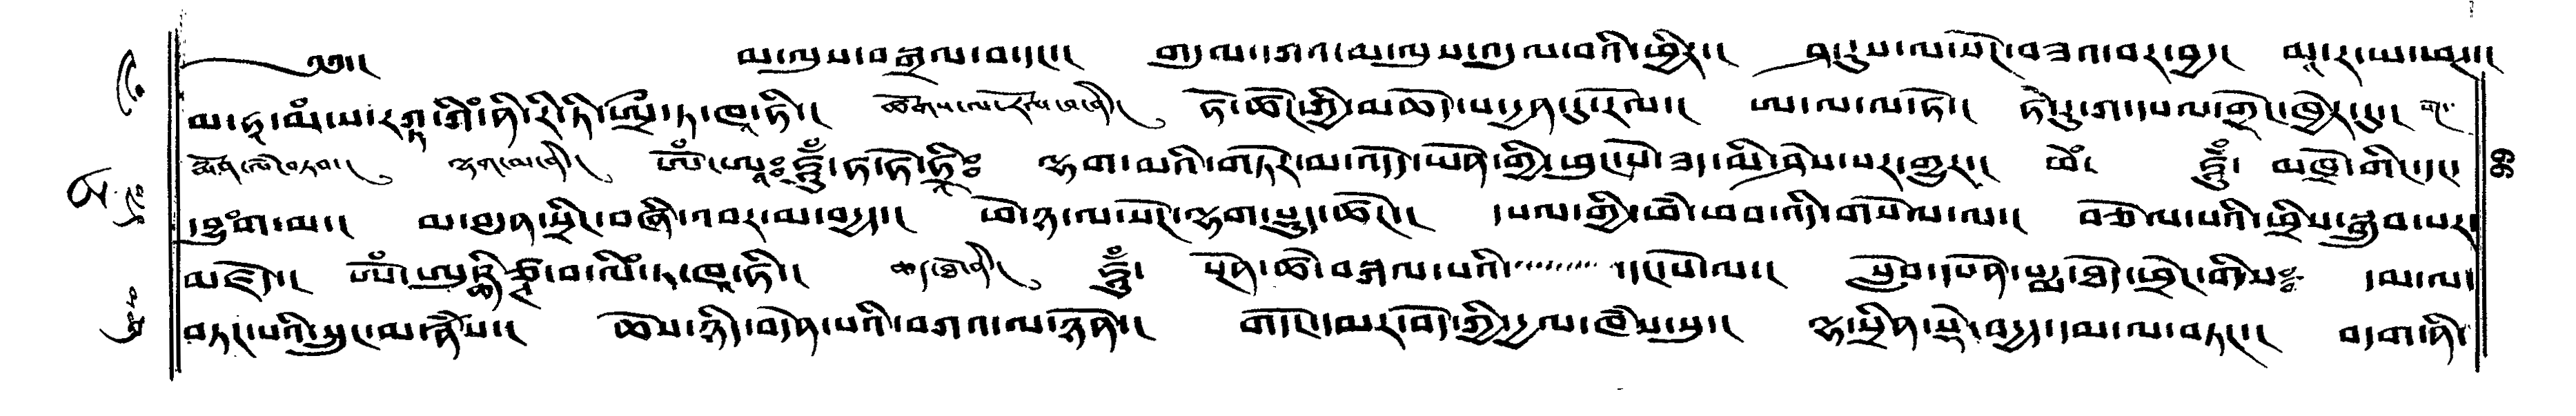མ་ལུས་བསྒྲལ་བ་དང་། །གདུལ་དཀའ་མ་ལུས་འདུལ་བའི་ཕྱིར། །ཤ་རུས་ལ་སོགས་བཟའ་བར་བྱ། མཱ་ར་ཡ་ཕཊ༔ 
མ་ཧཱ་མཾ་ས་རཀྟ་ཀིཾ་ནི་རི་ཏི་ཨ་མྲྀ་ཏ་ཁཱ་ཧི༔ ཚོགས་ལ་རོལ་བ་ནི། ཧོ། ཚོགས་ཀྱི་མཆོད་པ་རྒྱན་དུ་རོལ། ཨ་ལ་ལ་ཧོཿ ཧེ་རུ་ཀ་དཔལ་གྲོང་ཁྱེར་དུ། སོགས། 
སྨོན་ལམ་གདབ། ལྷག་མ་ནི། ཨོཾ་ཨཱཿཧཱུྃ་ཧ་ཧོ་ཧྲཱིཿ ལྷག་མའི་གཏོར་མ་འདོད་ཡོན་གྱི་ཕུང་པོ་ཟད་མི་ཤེས་པར་གྱུར། ཕེཾཿ ཧཱུྃ། མཁའ་འགྲོ་གིང་དང་
དབང་ཕྱུག་མ། །མ་བདུན་སྲིང་བཞི་འབར་མ་བརྒྱད། །ཕོ་ཉ་ལ་སོགས་ལྷག་སྡུད་ཚོགས། །དཔལ་གྱི་ཕམ་ཕབ་འདི་གསོལ་ལ། །བཅོལ་པའི་ཕྲིན་ལས་སྒྲུབ་པར་
མཛོད། །ཨོཾ་ཨུརཚིཙཊ་བ་ལིཾ་ཏ་ཁཱ་ཧིཿ ཆད་ཐོ་ནི། ཧཱུྃ། སྔོན་ཚེ་བསྐལ་པའི་དང་པོ་ལ། །སློབ་དཔོན་པདྨ་ཐོད་ཕྲེང་གིས། །དམ་ལ་
བཏགས་པའི་སྲུང་མ་རྣམས། །ཆོས་ཉིད་བདེན་པའི་བཀའ་ལ་ཉོན། །གདོང་དམར་བོད་ཀྱི་རྒྱལ་ཁམས་སུ། །ལྷ་སྲིན་སྡེ་བརྒྱད་དམ་ལ་བཏགས། །བདག་ནི་